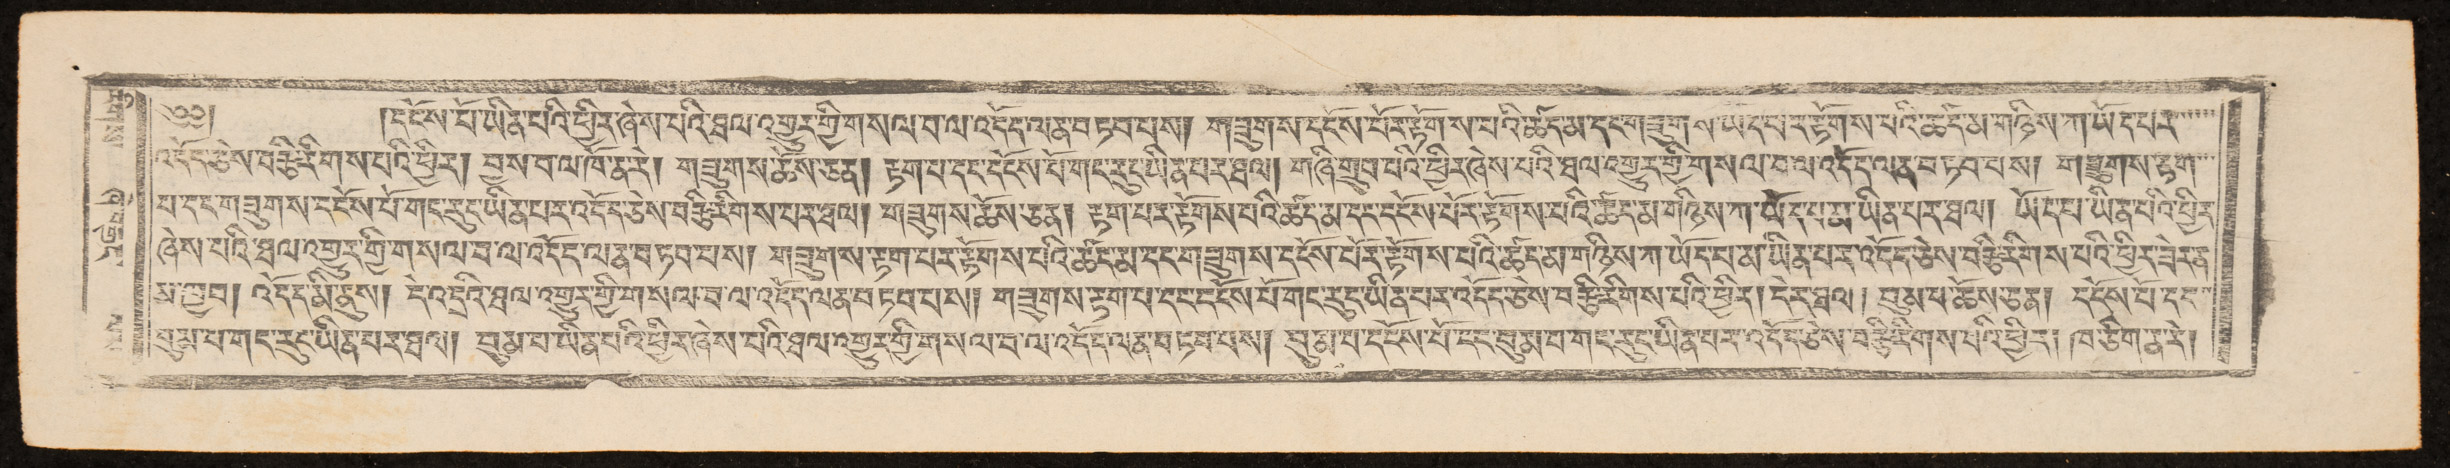༄༅། །དངོས་པོ་ཡིན་པའི་ཕྱིར་ཞེས་པའི་ཐལ་འགྱུར་གྱི་གསལ་བ་ལ་འདོད་ལན་བཏབ་པས། གཟུགས་དངོས་པོར་རྟོགས་པའི་ཚད་མ་དང་གཟུགས་ཡོད་པར་རྟོགས་པའི་ཚད་མ་གཉིས་ཀ་ཡོད་པར་
འདོད་ཅེས་བརྩི་རིགས་པའི་ཕྱིར། བྱས་པ་ལ་ཁོ་ན་རེ། གཟུགས་ཆོས་ཅན། རྟག་པ་དང་དངོས་པོ་གང་རུང་ཡིན་པར་ཐལ། གཞི་གྲུབ་པའི་ཕྱིར་ཞེས་པའི་ཐལ་འགྱུར་གྱི་གསལ་བ་ལ་འདོད་ལན་བཏབ་པས། གཟུགས་རྟག་
པ་དང་གཟུགས་དངོས་པོ་གང་རུང་ཡིན་པར་འདོད་ཅེས་བརྩི་རིགས་པར་ཐལ། གཟུགས་ཆོས་ཅན། རྟག་པར་རྟོགས་པའི་ཚད་མ་དང་དངོས་པོར་རྟོགས་པའི་ཚད་མ་གཉིས་ཀ་ཡོད་པ་མ་ཡིན་པར་ཐལ། ཡོད་པ་ཡིན་པའི་ཕྱིར་
ཞེས་པའི་ཐལ་འགྱུར་གྱི་གསལ་བ་ལ་འདོད་ལན་བཏབ་པས། གཟུགས་རྟག་པར་རྟོགས་པའི་ཚད་མ་དང་གཟུགས་དངོས་པོར་རྟོགས་པའི་ཚད་མ་གཉིས་ཀ་ཡོད་པ་མ་ཡིན་པར་འདོད་ཅེས་བརྩི་རིགས་པའི་ཕྱིར་ཟེར་ན་
མ་ཁྱབ། འདོད་མི་ནུས། དེ་འདྲའི་ཐལ་འགྱུར་གྱི་གསལ་བ་ལ་འདོད་ལན་བཏབ་པས། གཟུགས་རྟག་པ་དང་དངོས་པོ་གང་རུང་ཡིན་པར་འདོད་ཅེས་བརྩི་རིགས་པའི་ཕྱིར། དེར་ཐལ། བུམ་པ་ཆོས་ཅན། དངོས་པོ་དང་
བུམ་པ་གང་རུང་ཡིན་པར་ཐལ། བུམ་པ་ཡིན་པའི་ཕྱིར་ཞེས་པའི་ཐལ་འགྱུར་གྱི་གསལ་བ་ལ་འདོད་ལན་བཏབ་པས། བུམ་པ་དངོས་པོ་དང་བུམ་པ་དངོས་པོ་དང་བུམ་པ་གང་རུང་ཡིན་པར་འདོད་ཅེས་བརྩི་རིགས་པའི་ཕྱིར། ཁ་ཅིག་ན་རེ།